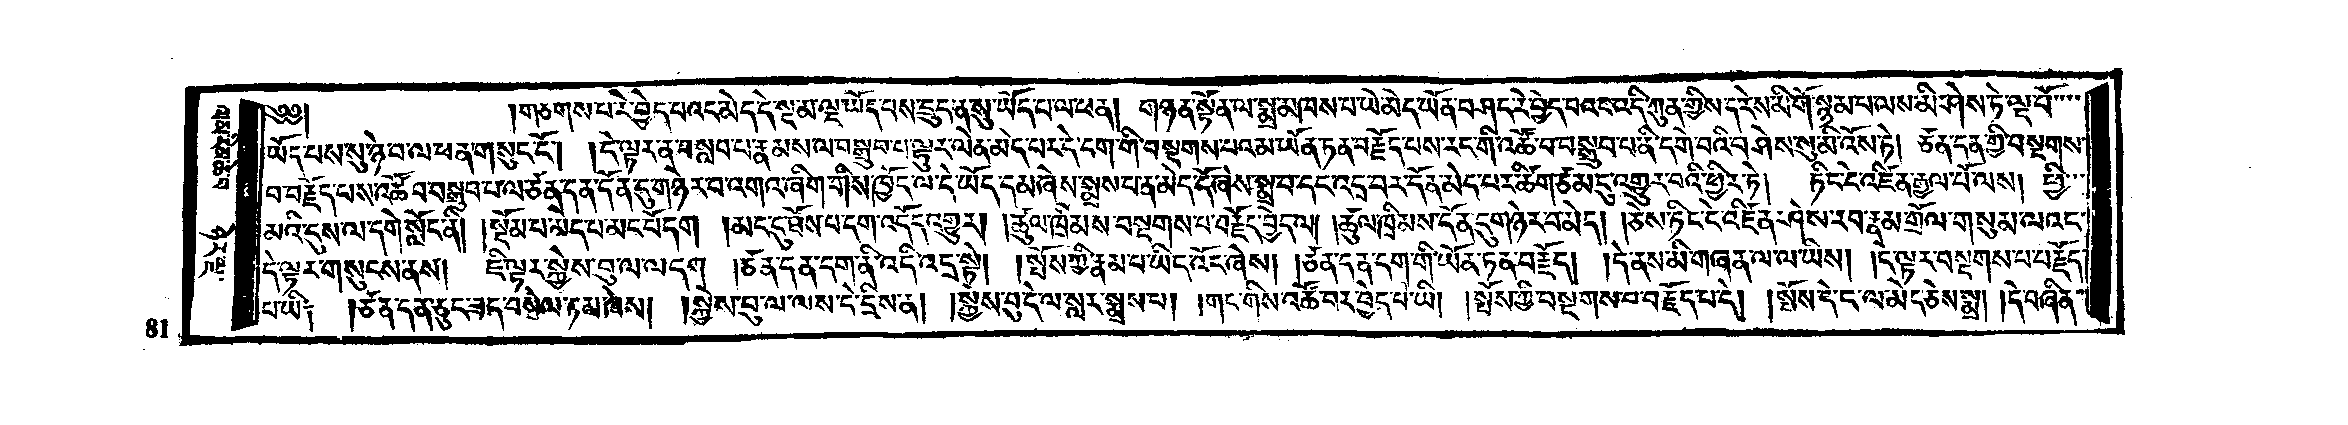༄༅། །གཅགས་པ་རེ་བྱེད་པའང་མེད་དེ་སྔ་མ་ལྔ་ཡོད་པས་དྲུང་ན་སུ་ཡོད་པ་ལ་ཕན། གཉན་སྟོན་ལ་སྨྲ་མཁས་པ་ཡེ་མེད་ཡོན་བཤད་རེ་བྱེད་བའང་འདི་ཀུན་གྱིས་ད་རེས་མི་གོ་སྙམ་པ་ལས་མི་ཤེས་ཏེ་ལྔ་པོ་
ཡོད་པས་སུ་ཉེ་བ་ལ་ཕན་གསུང་ངོ། །དེ་ལྟར་ན་བསླབ་པ་རྣམས་ལ་བསྒྲུབ་པ་ལྷུར་ལེན་མེད་པར་དེ་དག་གི་བསྔགས་པའམ་ཡོན་ཏན་བརྗོད་པས་རང་གི་འཚོ་བ་བསྒྲུབ་པ་ནི་དགེ་བའི་བཤེས་སུ་མི་འོས་ཏེ། ཙན་དན་གྱི་བསྔགས་
པ་བརྗོད་པས་འཚོ་བ་བསྒྲུབ་པ་ལ་ཙན་དན་དོན་དུ་གཉེར་བ་འགའ་ཞིག་གིས་ཁྱོད་ལ་དེ་ཡོད་དམ་ཞེས་སྨྲས་པ་ན་མེད་དོ་ཞེས་སྨྲ་བ་དང་འདྲ་བར་དོན་མེད་པར་ཚིག་ཙམ་དུ་འགྱུར་བའི་ཕྱིར་ཏེ། ཏིང་ངེ་འཛིན་རྒྱལ་པོ་ལས། ཕྱི་
མའི་དུས་ལ་དགེ་སློང་ནི། །སྡོམ་པ་མེད་པ་མང་པོ་དག །མང་དུ་ཐོས་པ་དག་འདོད་འགྱུར། །ཚུལ་ཁྲིམས་བསྔགས་པ་བརྗོད་བྱེད་ལ། །ཚུལ་ཁྲིམས་དོན་དུ་གཉེར་བ་མེད། །ཅེས་ཏིང་ངེ་འཛིན་ཤེས་རབ་རྣམ་གྲོལ་གསུམ་ལའང་
དེ་ལྟར་གསུངས་ནས། ཇི་ལྟར་སྐྱེས་བུ་ལ་ལ་དག །ཙན་དན་དག་ནི་འདི་འདྲ་སྟེ། །སྤོས་ཀྱི་རྣམ་པ་ཡིད་འོང་ཞེས། །ཙན་དན་དག་གི་ཡོན་ཏན་བརྗོད། །དེ་ནས་མི་གཞན་ལ་ལ་ཡིས། །དེ་ལྟར་བསྔགས་པ་བརྗོད་
པ་ཡི༑ ༑ཙན་དན་ཅུང་ཟད་བསྲེལ་ཏམ་ཞེས། །སྐྱེས་བུ་མ་ལས་དེ་དྲིས་ན། །སྐྱེས་བུ་དེ་ལ་སླར་སྨྲས་པ། །གང་གིས་འཚོ་བར་བྱེད་པ་ཡི། །སྤོས་ཀྱི་བསྔགས་པ་བརྗོད་པ་དེ། །སྤོས་དེ་ང་ལ་མེད་ཅེས་སྨྲ། །དེ་བཞིན་